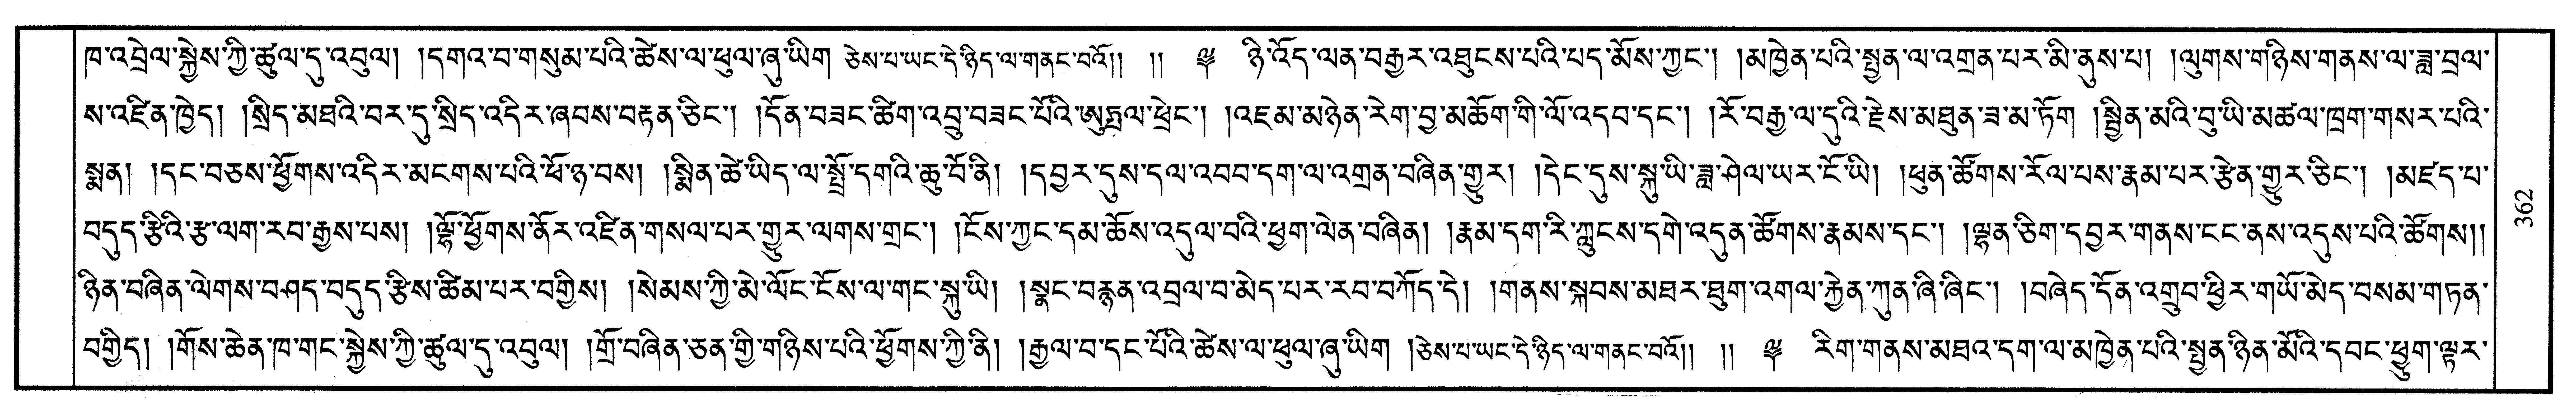ཁ་འབྲེལ་སྐྱེས་ཀྱི་ཚུལ་དུ་འབུལ། །དགའ་བ་གསུམ་པའི་ཚེས་ལ་ཕུལ་ཞུ་ཡིག་ཅེས་པ་ཡང་དེ་ཉིད་ལ་གནང་བའོ།། །། ༈ ཉི་འོད་ལན་བརྒྱར་འཐུངས་པའི་པད་མོས་ཀྱང་། །མཁྱེན་པའི་སྤྱན་ལ་འགྲན་པར་མི་ནུས་པ། །ལུགས་གཉིས་གནས་ལ་ཟླ་བྲལ་
ས་འཛིན་ཁྱེད། །སྲིད་མཐའི་བར་དུ་སྲིད་འདིར་ཞབས་བརྟན་ཅིང་། །དོན་བཟང་ཚིག་འབྲུ་བཟང་པོའི་ཨུཏྤལ་ཕྲེང་། །འཇམ་མཉེན་རེག་བྱ་མཆོག་གི་ལོ་འདབ་དང་། །རོ་བརྒྱ་ལ་དུའི་རྗེས་མཐུན་ཟ་མ་ཏོག །སྦྱིན་མའི་བུ་ཡི་མཚལ་ཁྲག་གསར་པའི་
སྨན། །དང་བཅས་ཕྱོགས་འདིར་མངགས་པའི་ཕོ་ཉ་བས། །སྨིན་ཚེ་ཡིད་ལ་སྤྲོ་དགའི་ཆུ་བོ་ནི། །དབྱར་དུས་དལ་འབབ་དག་ལ་འགྲན་བཞིན་གྱུར། །དེང་དུས་སྐུ་ཡི་ཟླ་ཤེལ་ཡར་ངོ་ཡི། །ཕུན་ཚོགས་རོལ་པས་རྣམ་པར་རྩེན་གྱུར་ཅིང་། །མཛད་པ་
བདུད་རྩིའི་རྩ་ལག་རབ་རྒྱས་པས། །ལྷོ་ཕྱོགས་ནོར་འཛིན་གསལ་པར་གྱུར་ལགས་གྲང་། །ངོས་ཀྱང་དམ་ཆོས་འདུལ་བའི་ཕྱག་ལེན་བཞིན། །རྣམ་དག་རི་ཀླུངས་དགེ་འདུན་ཚོགས་རྣམས་དང་། །ལྷན་ཅིག་དབྱར་གནས་ངང་ནས་འདུས་པའི་ཚོགས།།
ཉིན་བཞིན་ལེགས་བཤད་བདུད་རྩིས་ཚིམ་པར་བགྱིས། །སེམས་ཀྱི་མེ་ལོང་ངོས་ལ་གང་སྐུ་ཡི། །སྣང་བརྙན་འབྲལ་བ་མེད་པར་རབ་བཀོད་དེ། །གནས་སྐབས་མཐར་ཐུག་འགལ་རྐྱེན་ཀུན་ཞི་ཞིང་། །བཞེད་དོན་འགྲུབ་ཕྱིར་གཡོ་མེད་བསམ་གཏན་
བགྱིད། །གོས་ཆེན་ཁ་གང་སྐྱེས་ཀྱི་ཚུལ་དུ་འབུལ། །གྲོ་བཞིན་ཅན་གྱི་གཉིས་པའི་ཕྱོགས་ཀྱི་ནི། །རྒྱལ་བ་དང་པོའི་ཚེས་ལ་ཕུལ་ཞུ་ཡིག །ཅེས་པ་ཡང་དེ་ཉིད་ལ་གནང་བའོ།། །། ༈ རིག་གནས་མཐའ་དག་ལ་མཁྱེན་པའི་སྤྱན་ཉིན་མོའི་དབང་ཕྱུག་ལྟར་